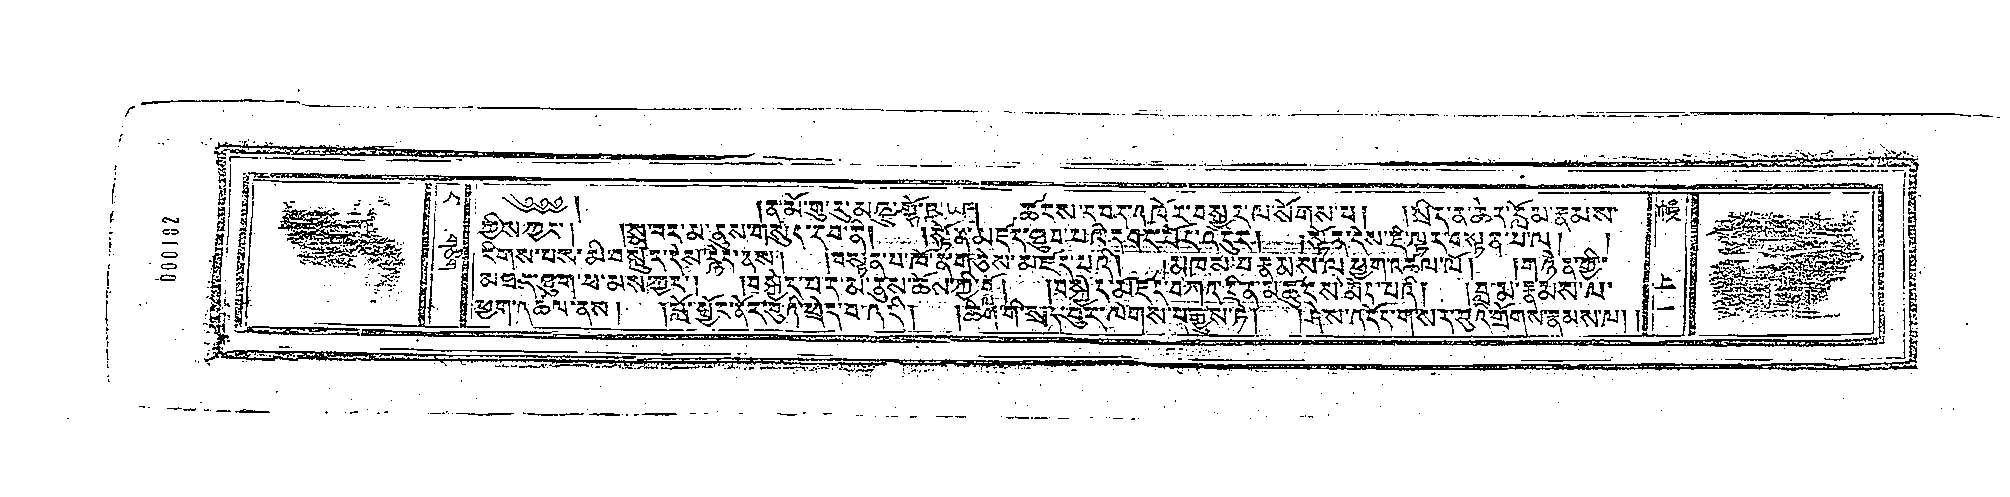༄༅༅། །ན་མོ་གུ་རུ་མཉྫུ་གྷོ་ཥཱ་ཡ། །ཚངས་དབང་འཁོར་བསྒྱུར་ལ་སོགས་པ། །སྲིད་ན་ཆེར་རློམ་རྣམས་
ཀྱིས་ཀྱང་། །སྨྲ་བར་མ་ནུས་གསུང་རབ་ནི། །སྟོན་མཛད་ཐུབ་པའི་དབང་པོར་འདུད། །སྟོན་དེས་ཇི་ལྟར་བསྟན་པ་ལ། །
རིགས་པས་མི་བསླུར་དེས་རྙེད་ནས། །བསྟན་པ་ཁོ་ན་གཅེས་མཛད་པའི། །མཁས་པ་རྣམས་ལ་ཕྱག་འཚལ་ལོ། །གཉེན་གྱི་
མཐར་ཐུག་ཕ་མས་ཀྱང་། །བསྐྱེད་པར་མ་ནུས་ཆོས་ཀྱི་བློ། །བསྐྱེད་མཛད་བཀའ་དྲིན་མཚུངས་མེད་པའི། །བླ་མ་རྣམས་ལ་
ཕྱག་འཚལ་ནས། །བློ་སྦྱོང་ནོར་བུའི་ཕྲེང་བ་འདི། །ཚིག་གི་སྲང་བུར་ལེགས་བརྒྱུས་ཏེ། །ཤེས་འདོད་གསར་བུའི་གྲོགས་རྣམས་ལ།།